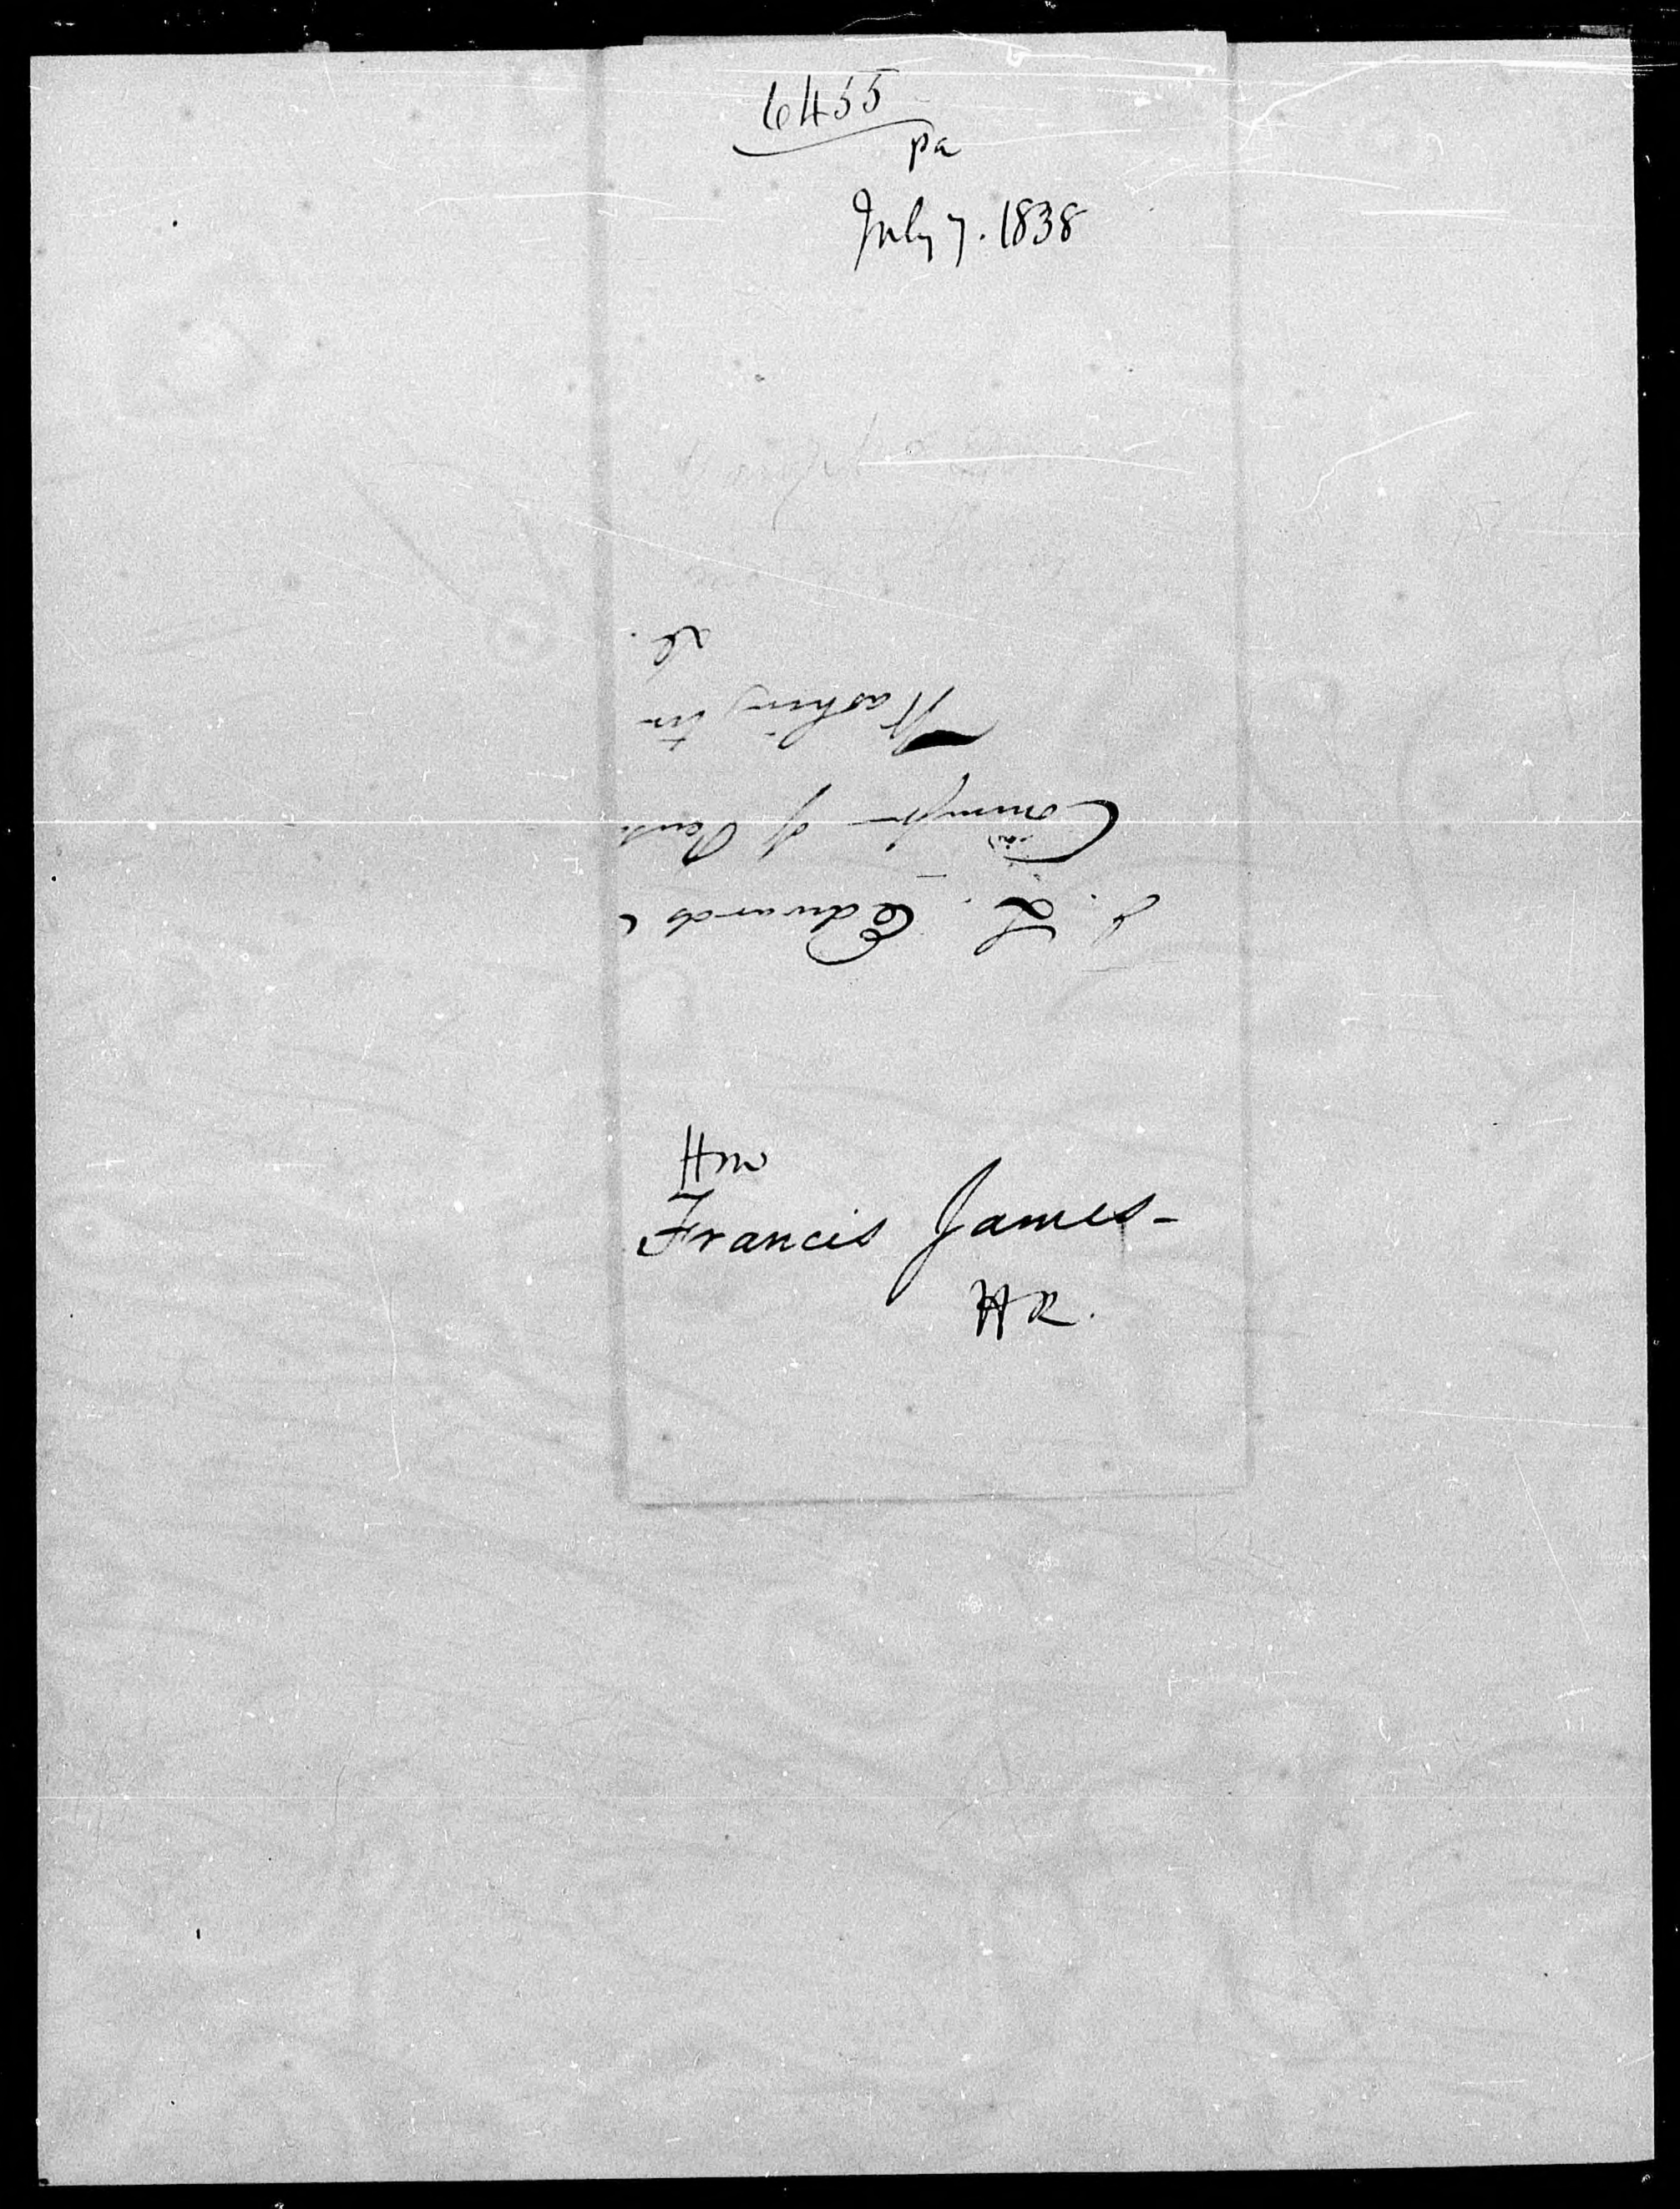6455
Pa
July 7. 1838

[inverted] L. Edwards,
Commsn[?] of Pens.
Washington
DC. [/inverted]

Hm
Francis James
HR.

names: J L Edwards; Francis James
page: 31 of 63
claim: widow's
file: W 2957, for Thomas Mc Dowell, Maryland